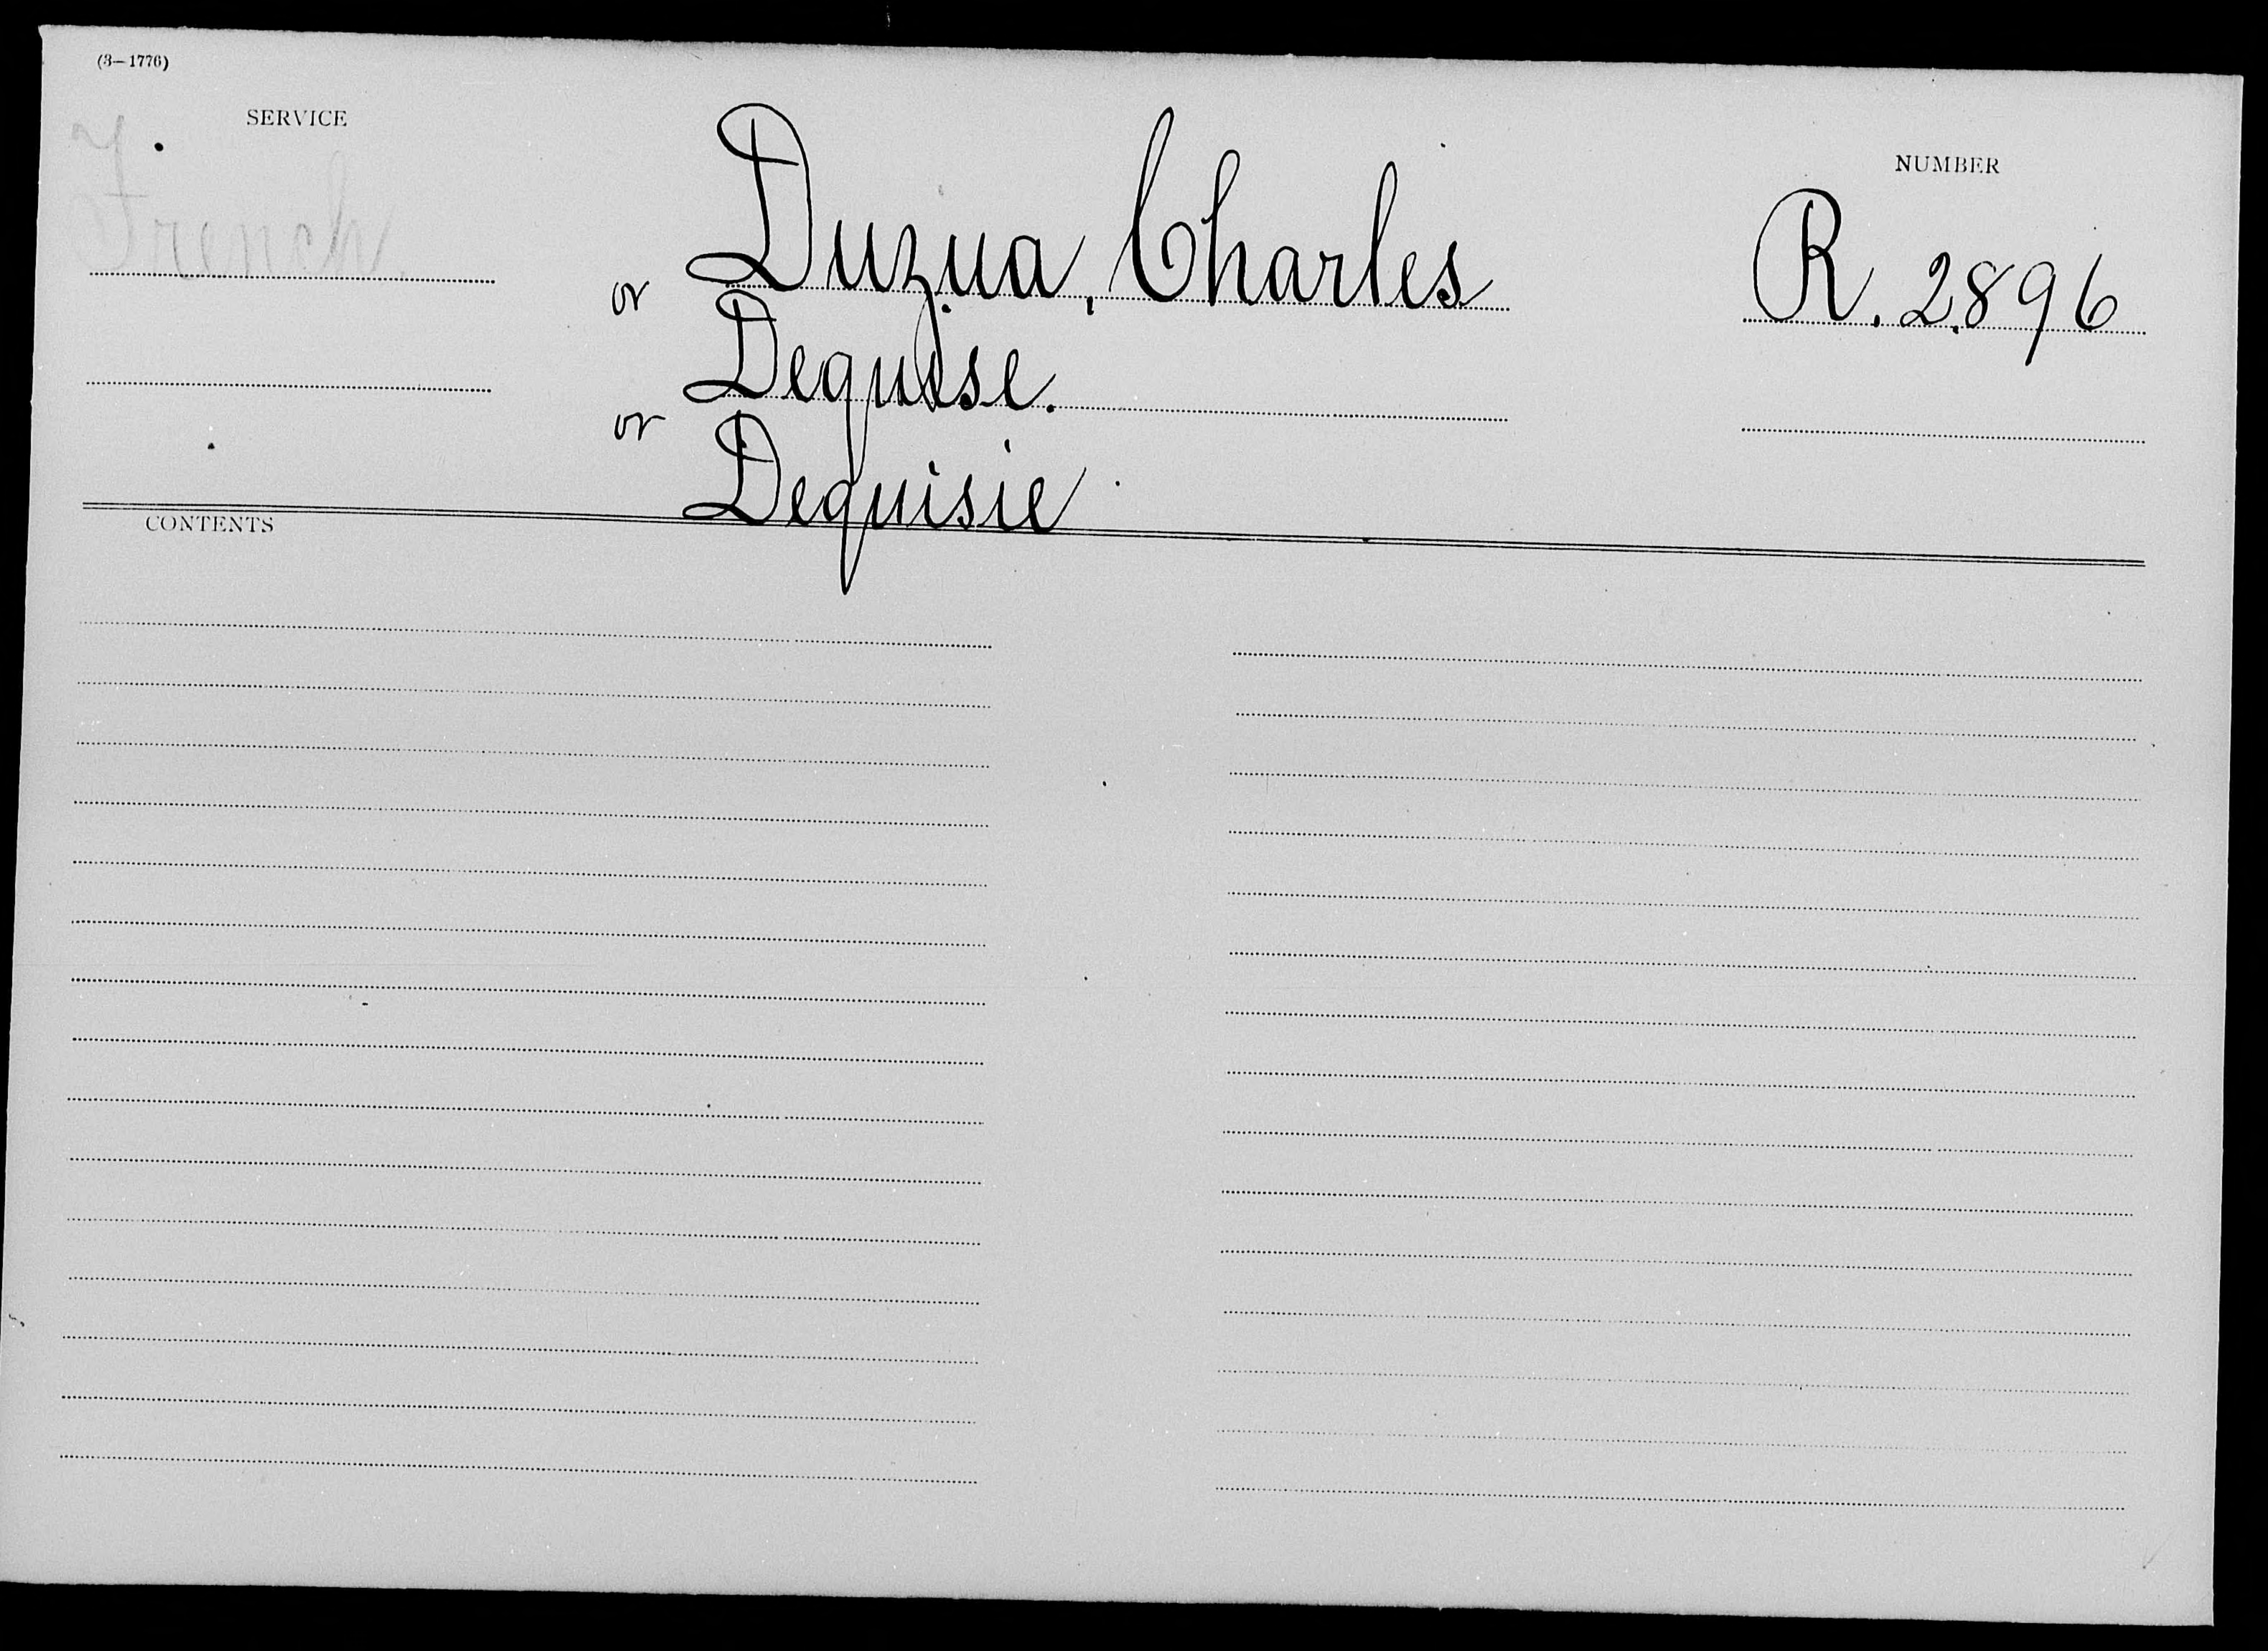(3-1776)
SERVICE 
French
Duzua, Charles
or Dequise
or Dequisie
NUMBER
R.2896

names: Charles Dequise, Charles Dequisie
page: 1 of 21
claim: rejected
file: R. 2,896, Charles Duzua, French